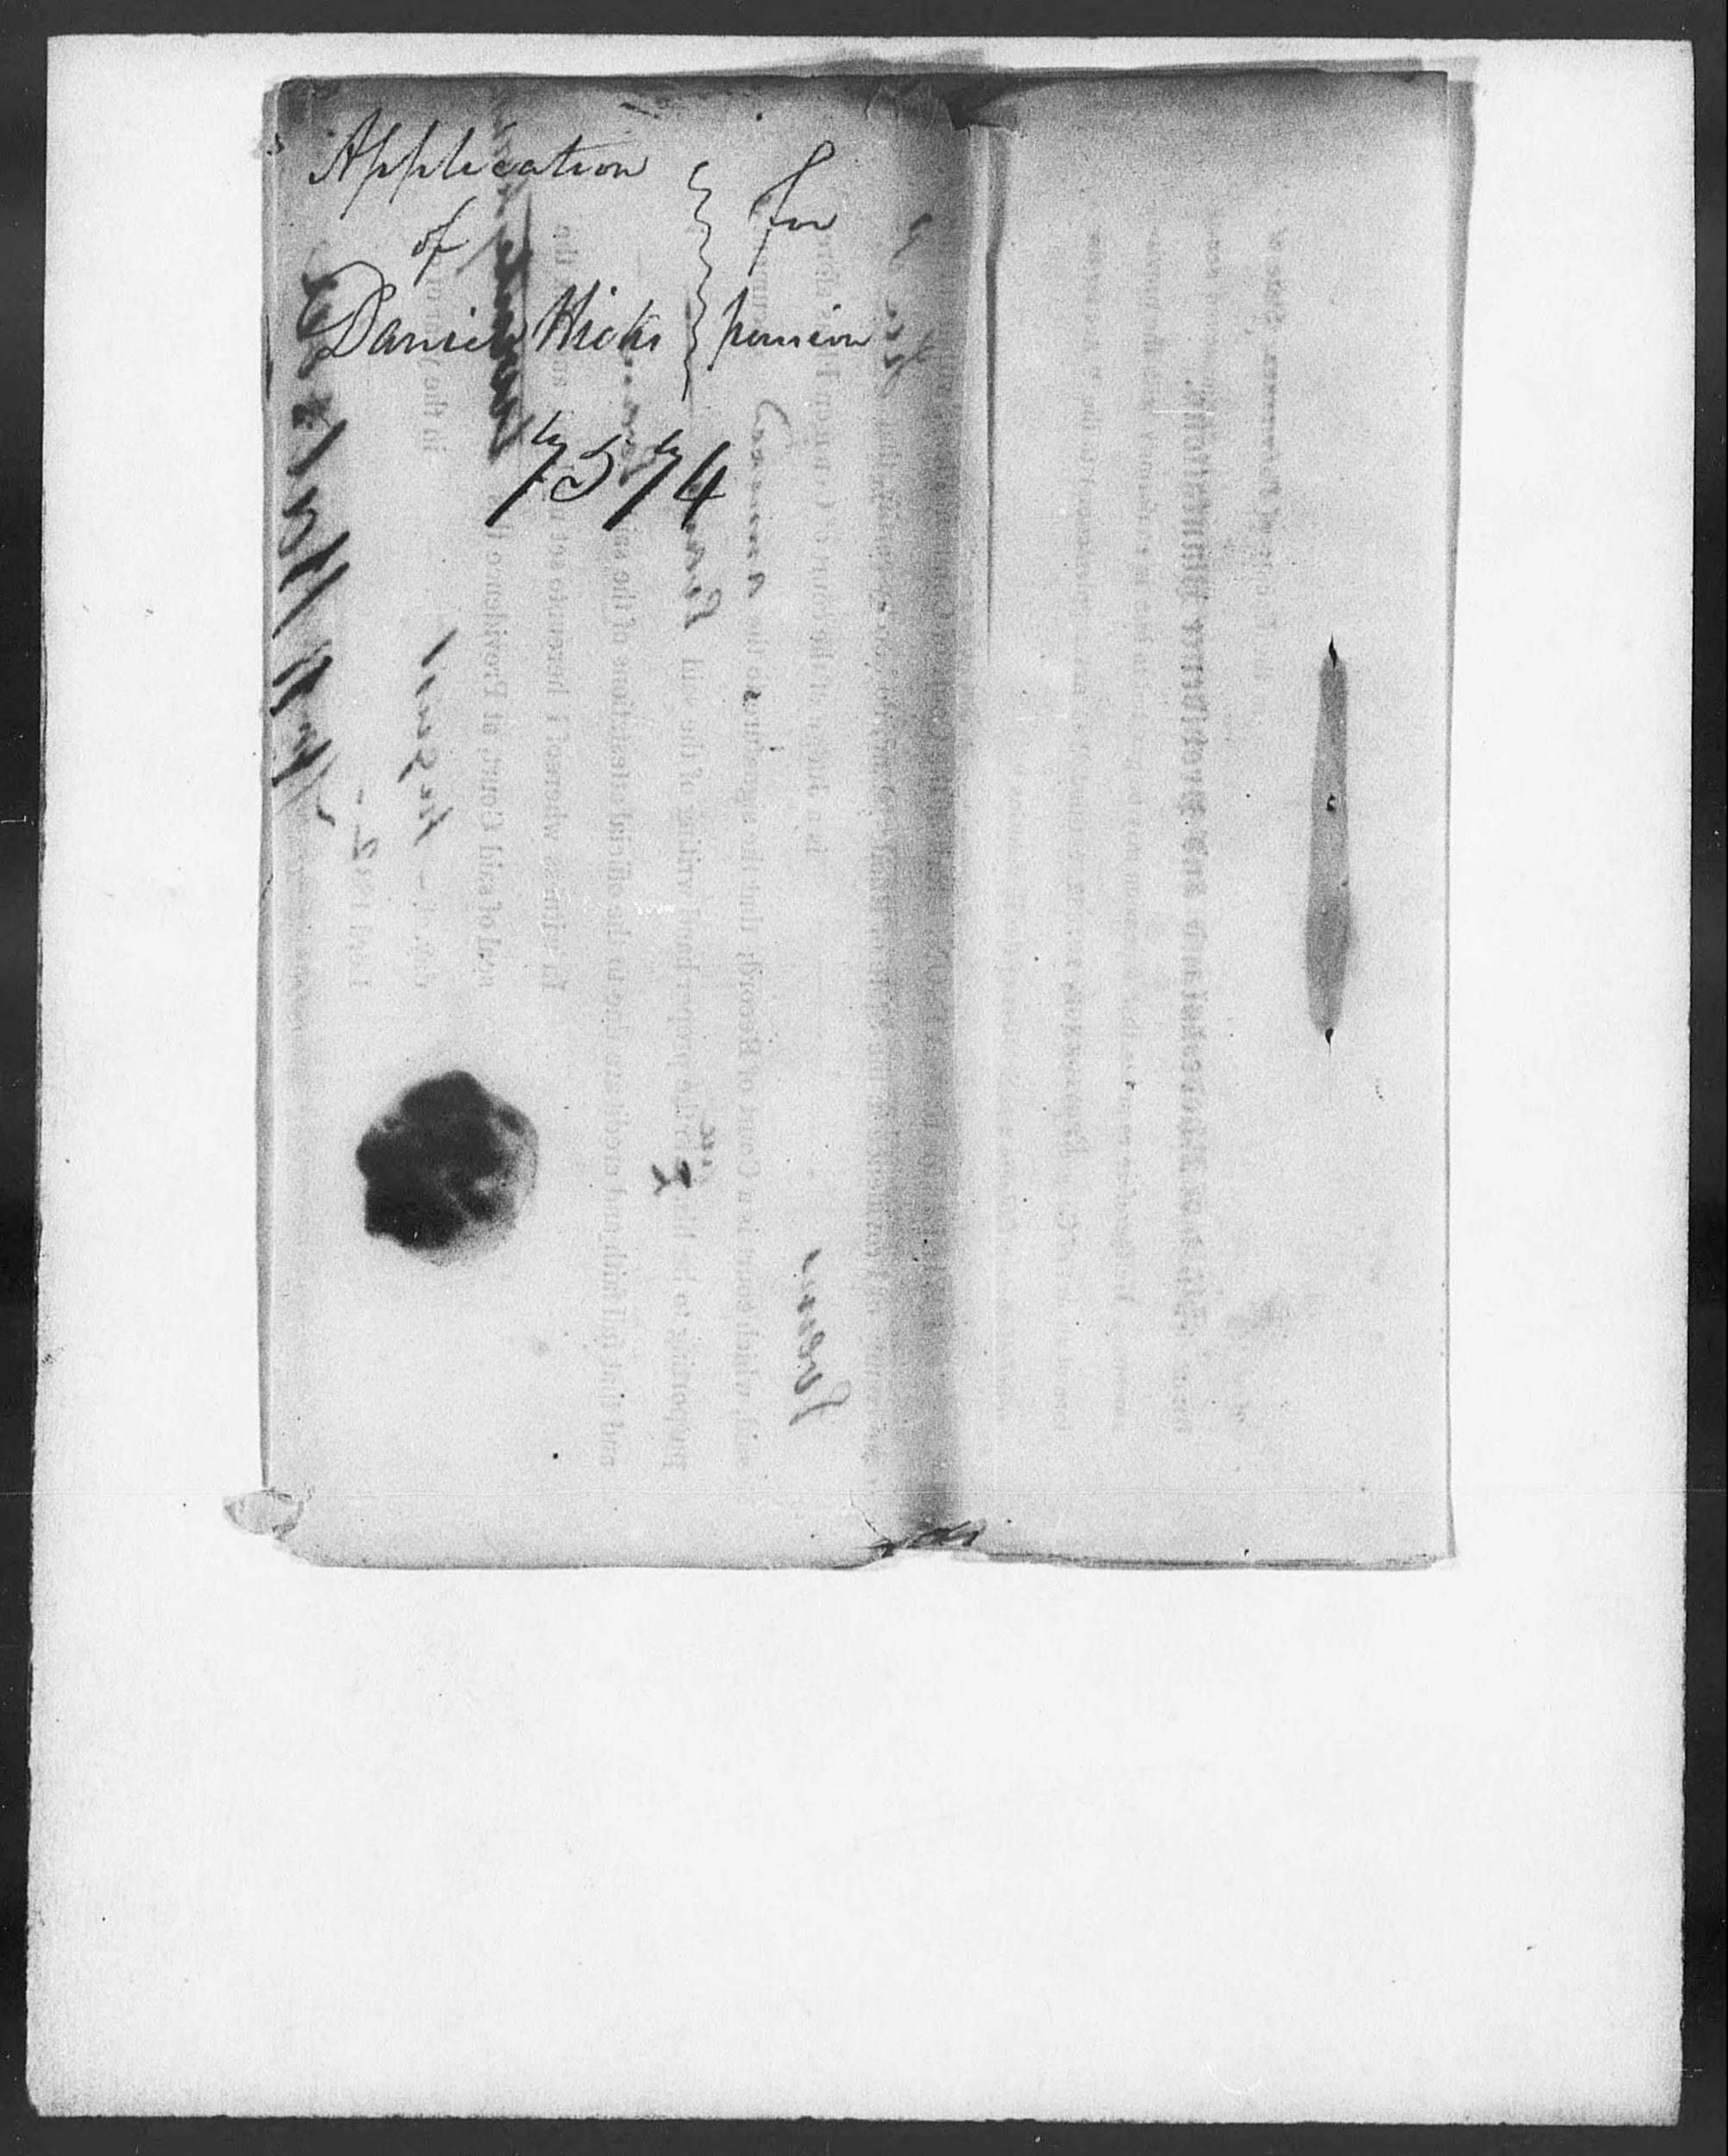Application of
Daniel Hicks
for pension 
7574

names: Daniel Hicks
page: 3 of 17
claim: survivor's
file: S. 21285, Daniel Hicks, R.I.